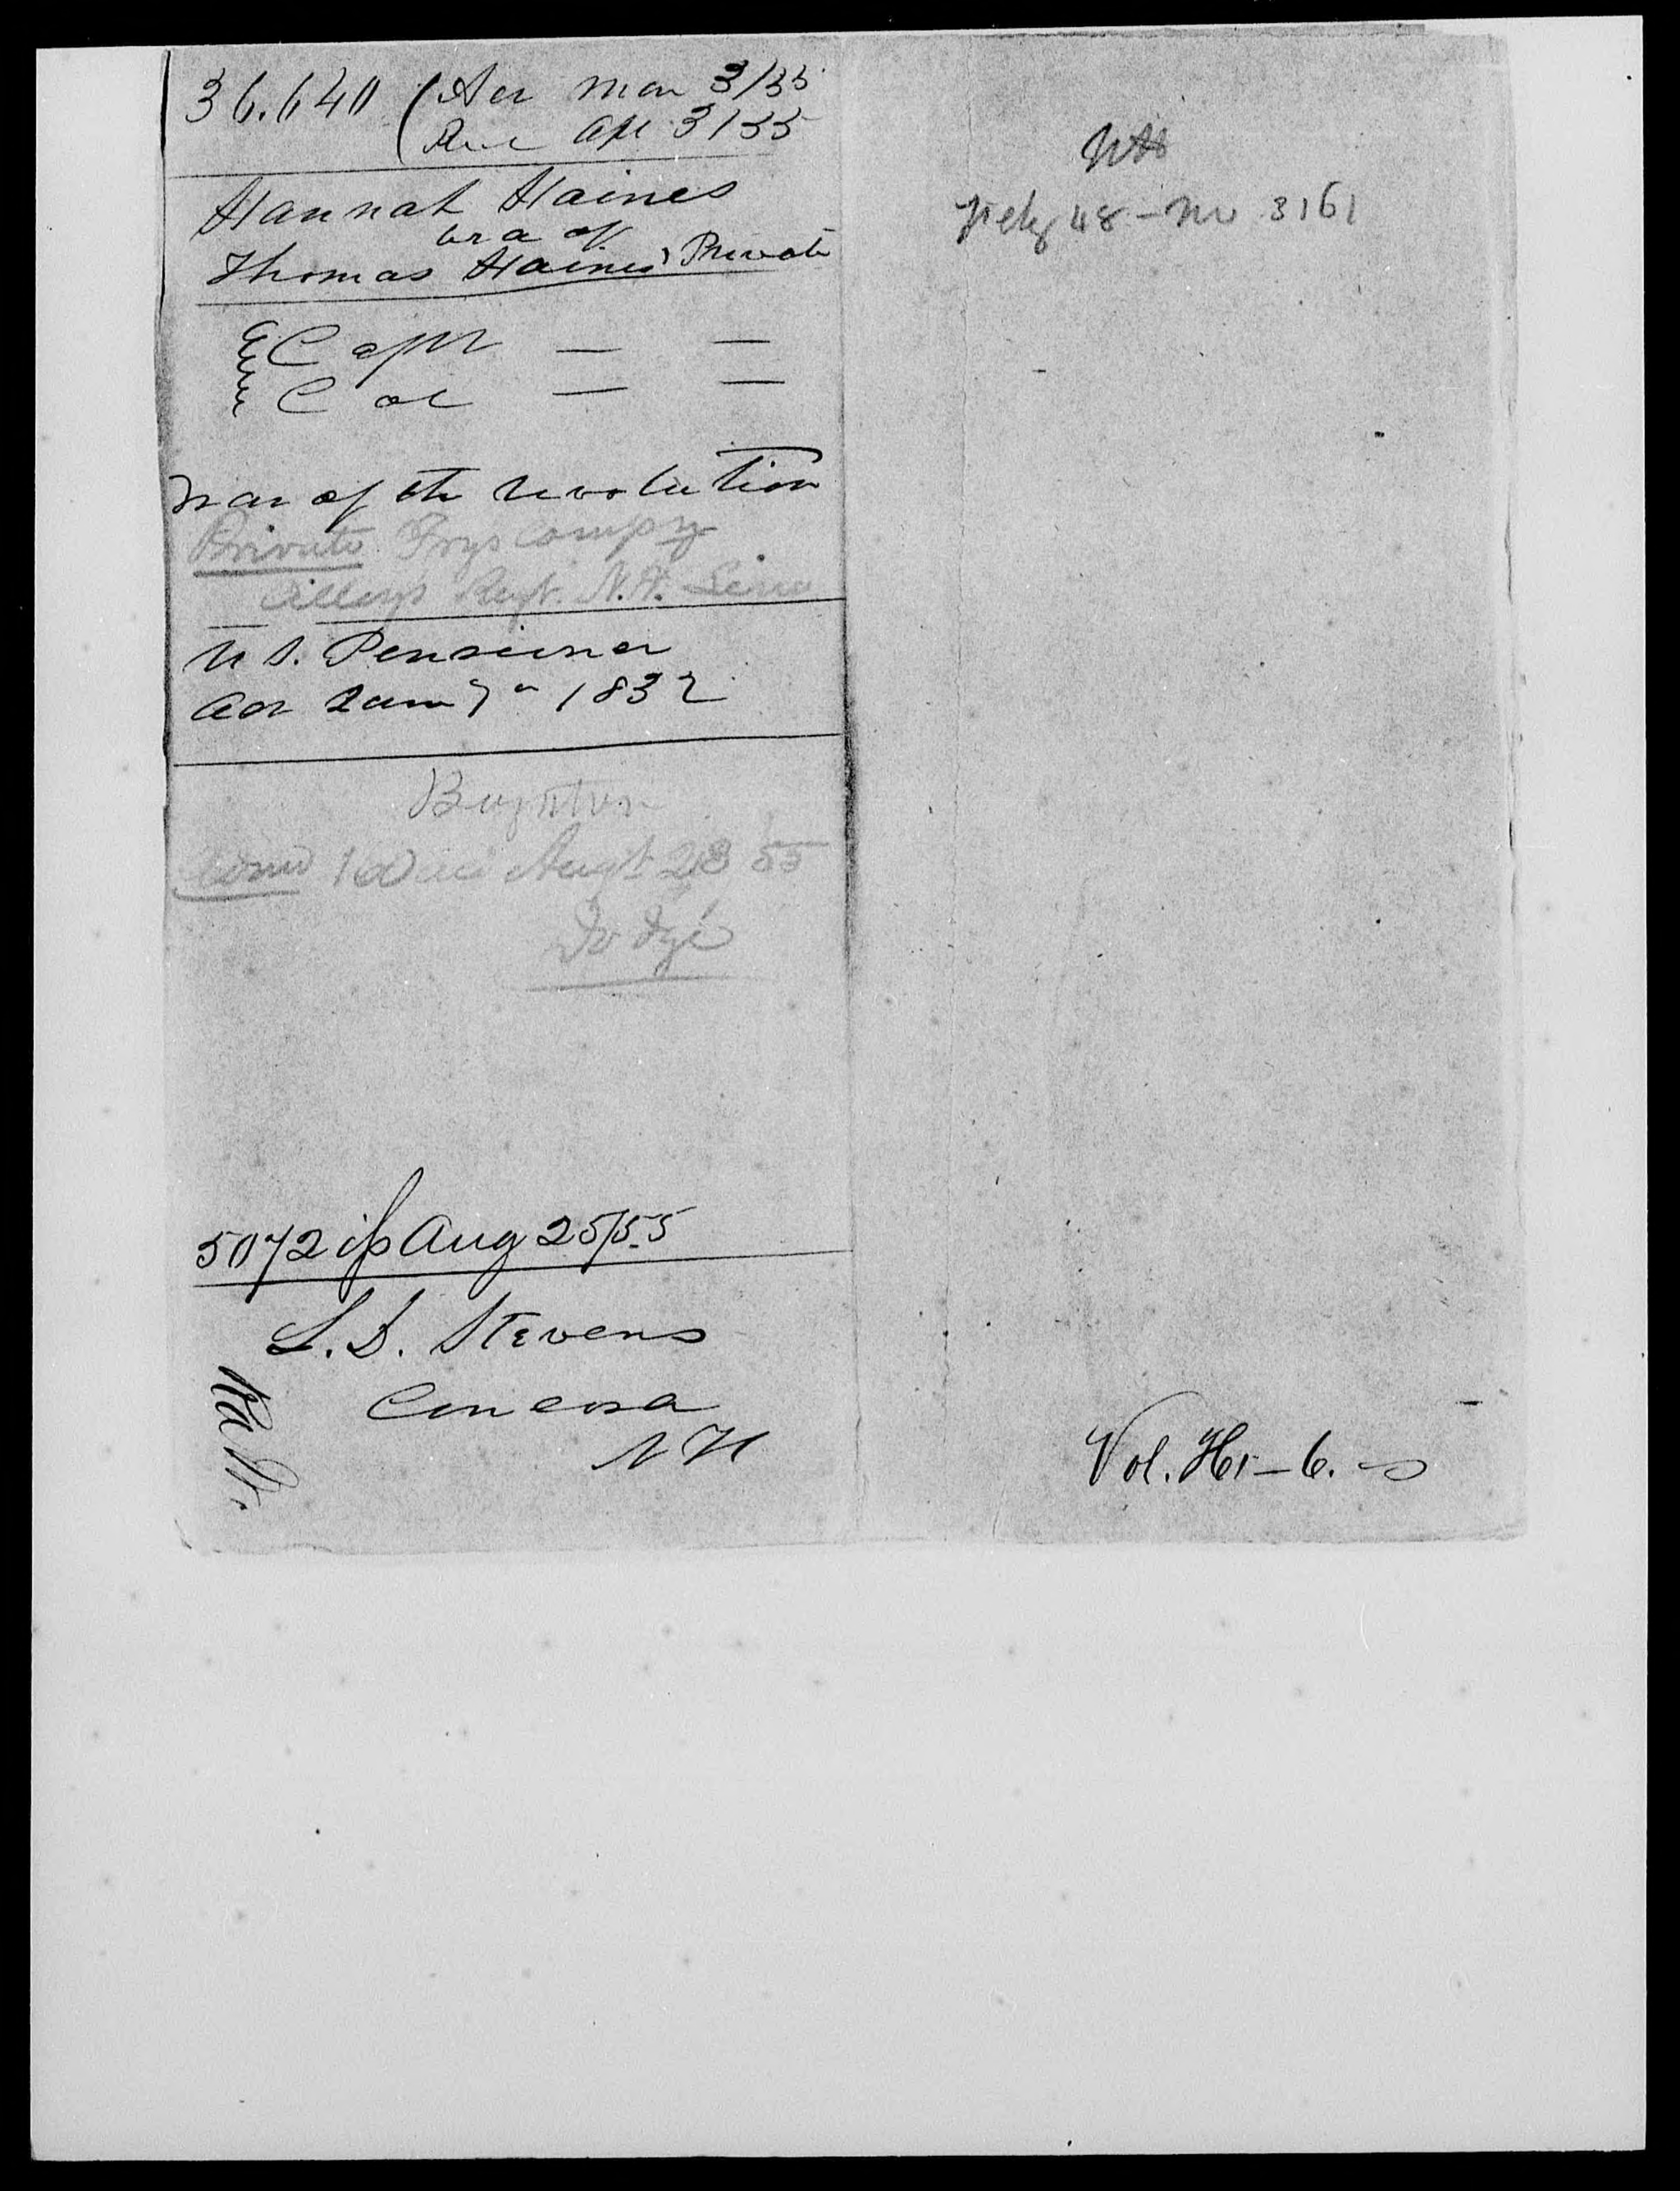3 6. 640 Her man 3/55
Rue aft 3/55
Hannah Haines widow of Thomas Haines Private

Capn ______ ___________
Col    ______ ________
War of the revolution
Private Frys Comp
Alleys Rept N.H. Series
-
U.S. Pensioner aor Jan. 7th 1832
Boynton
Died Augt 28 55
Dodge
5072 Iss Aug 25/55
L.D. Stevens
Concord NH

(facing page)
NH 
July 48 - m 8161

Vol. H _ 6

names: Boynton, Fry, Hannah Haines, Thomas Haines, L D Stevens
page: 4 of 57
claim: widow's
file: W. 23217, Thomas Haines, N H